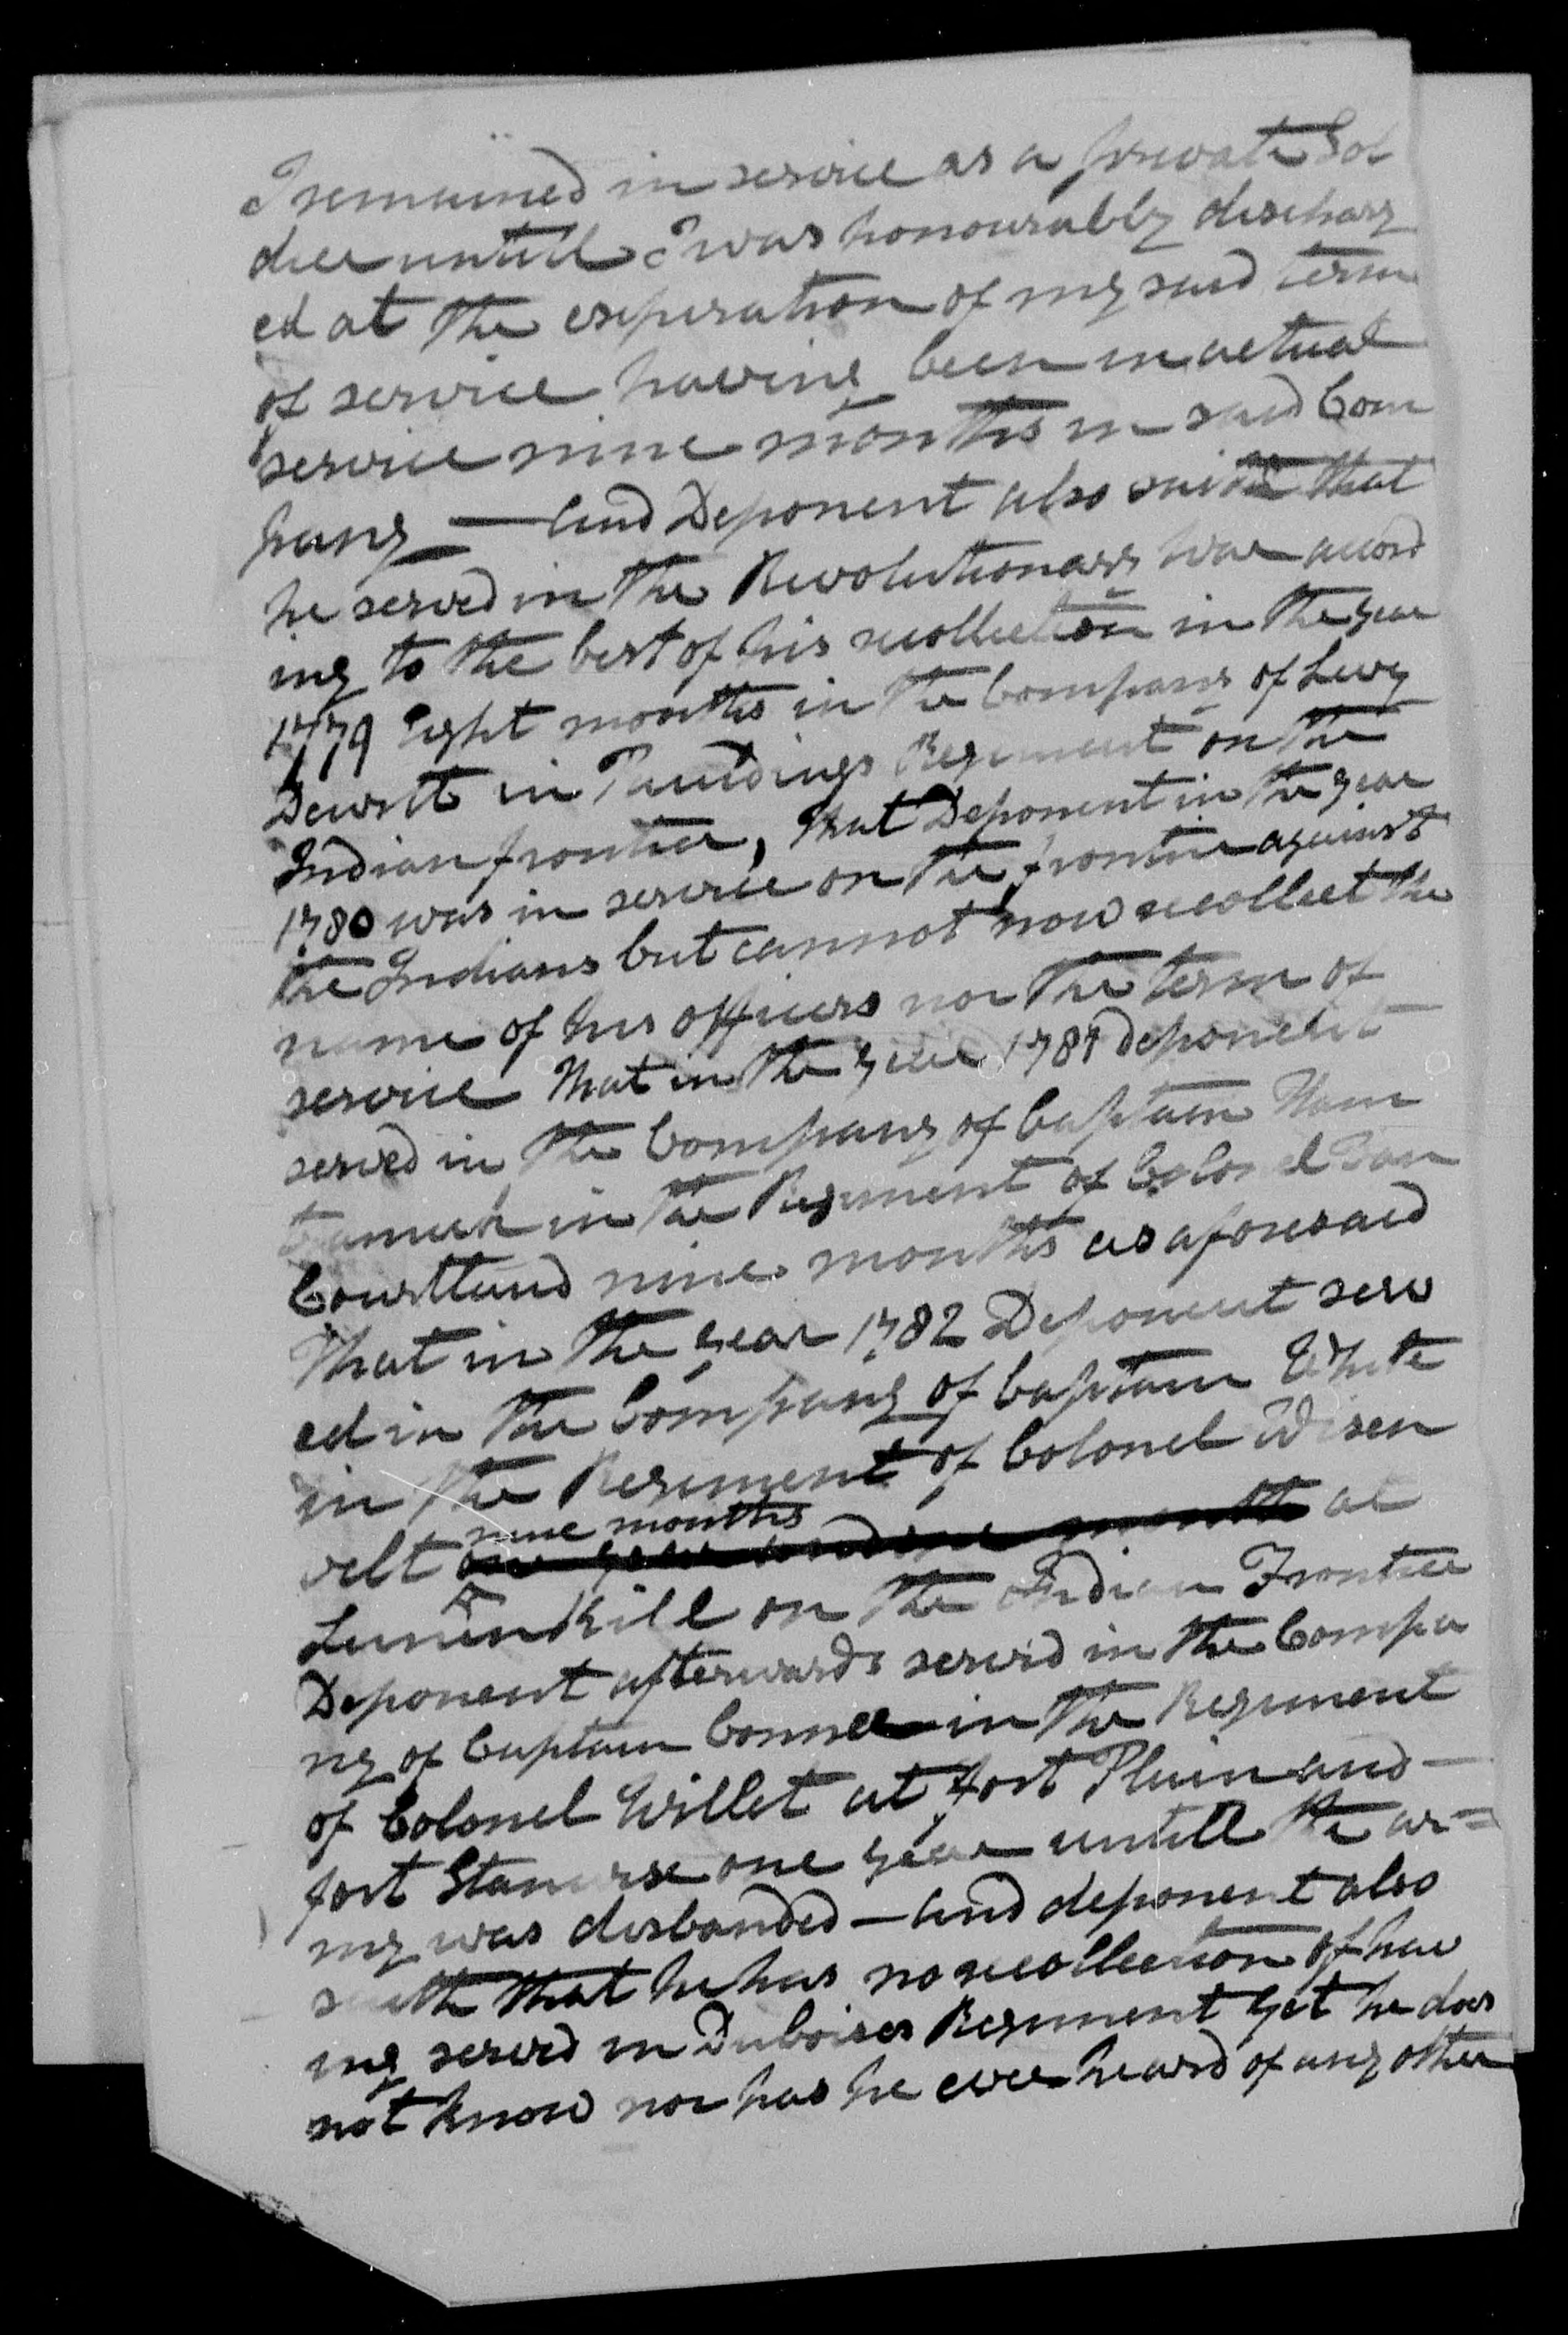I remained in service as a private soldier untill was honourably discharged
at the expiration of my said term
of service having been in actual
service nine months in said Company
and deponent also saith that
he served in the Revolutionary war according to the best of his recollection in the year
1779 Eight months in the Company of Levy
Dewitt in Pauldings Regiment on the
Indian frontier, that Deponent in the year
1780 was in service on the frontier against
the Indians but cannot now recollect the
name of his officers nor the term of
service that in the year 1781 deponent
served in the Company of Captain Hans Franuch in the Regiment of Colonel Van
Courtland nine months as aforesaid
that in the year 1782 Deponent served in the company of Captn White
in the Regiment of Colonel Wisen
wilt nine months at
Lunenkill on the Indian frontier
Deponent afterwards served in the Company
of Captain Connel in the Regiment
of Colonel Willet at Fort Pluinand and
fort Stanwise one year untill the army was disbanded, and deponent also
with that he has no recollection of having served in Dubois Regiment yet he does
not know nor has he ever heard of any other ┃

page: 54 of 64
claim: survivor's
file: S. 42,464, for William Terwilliger, New York